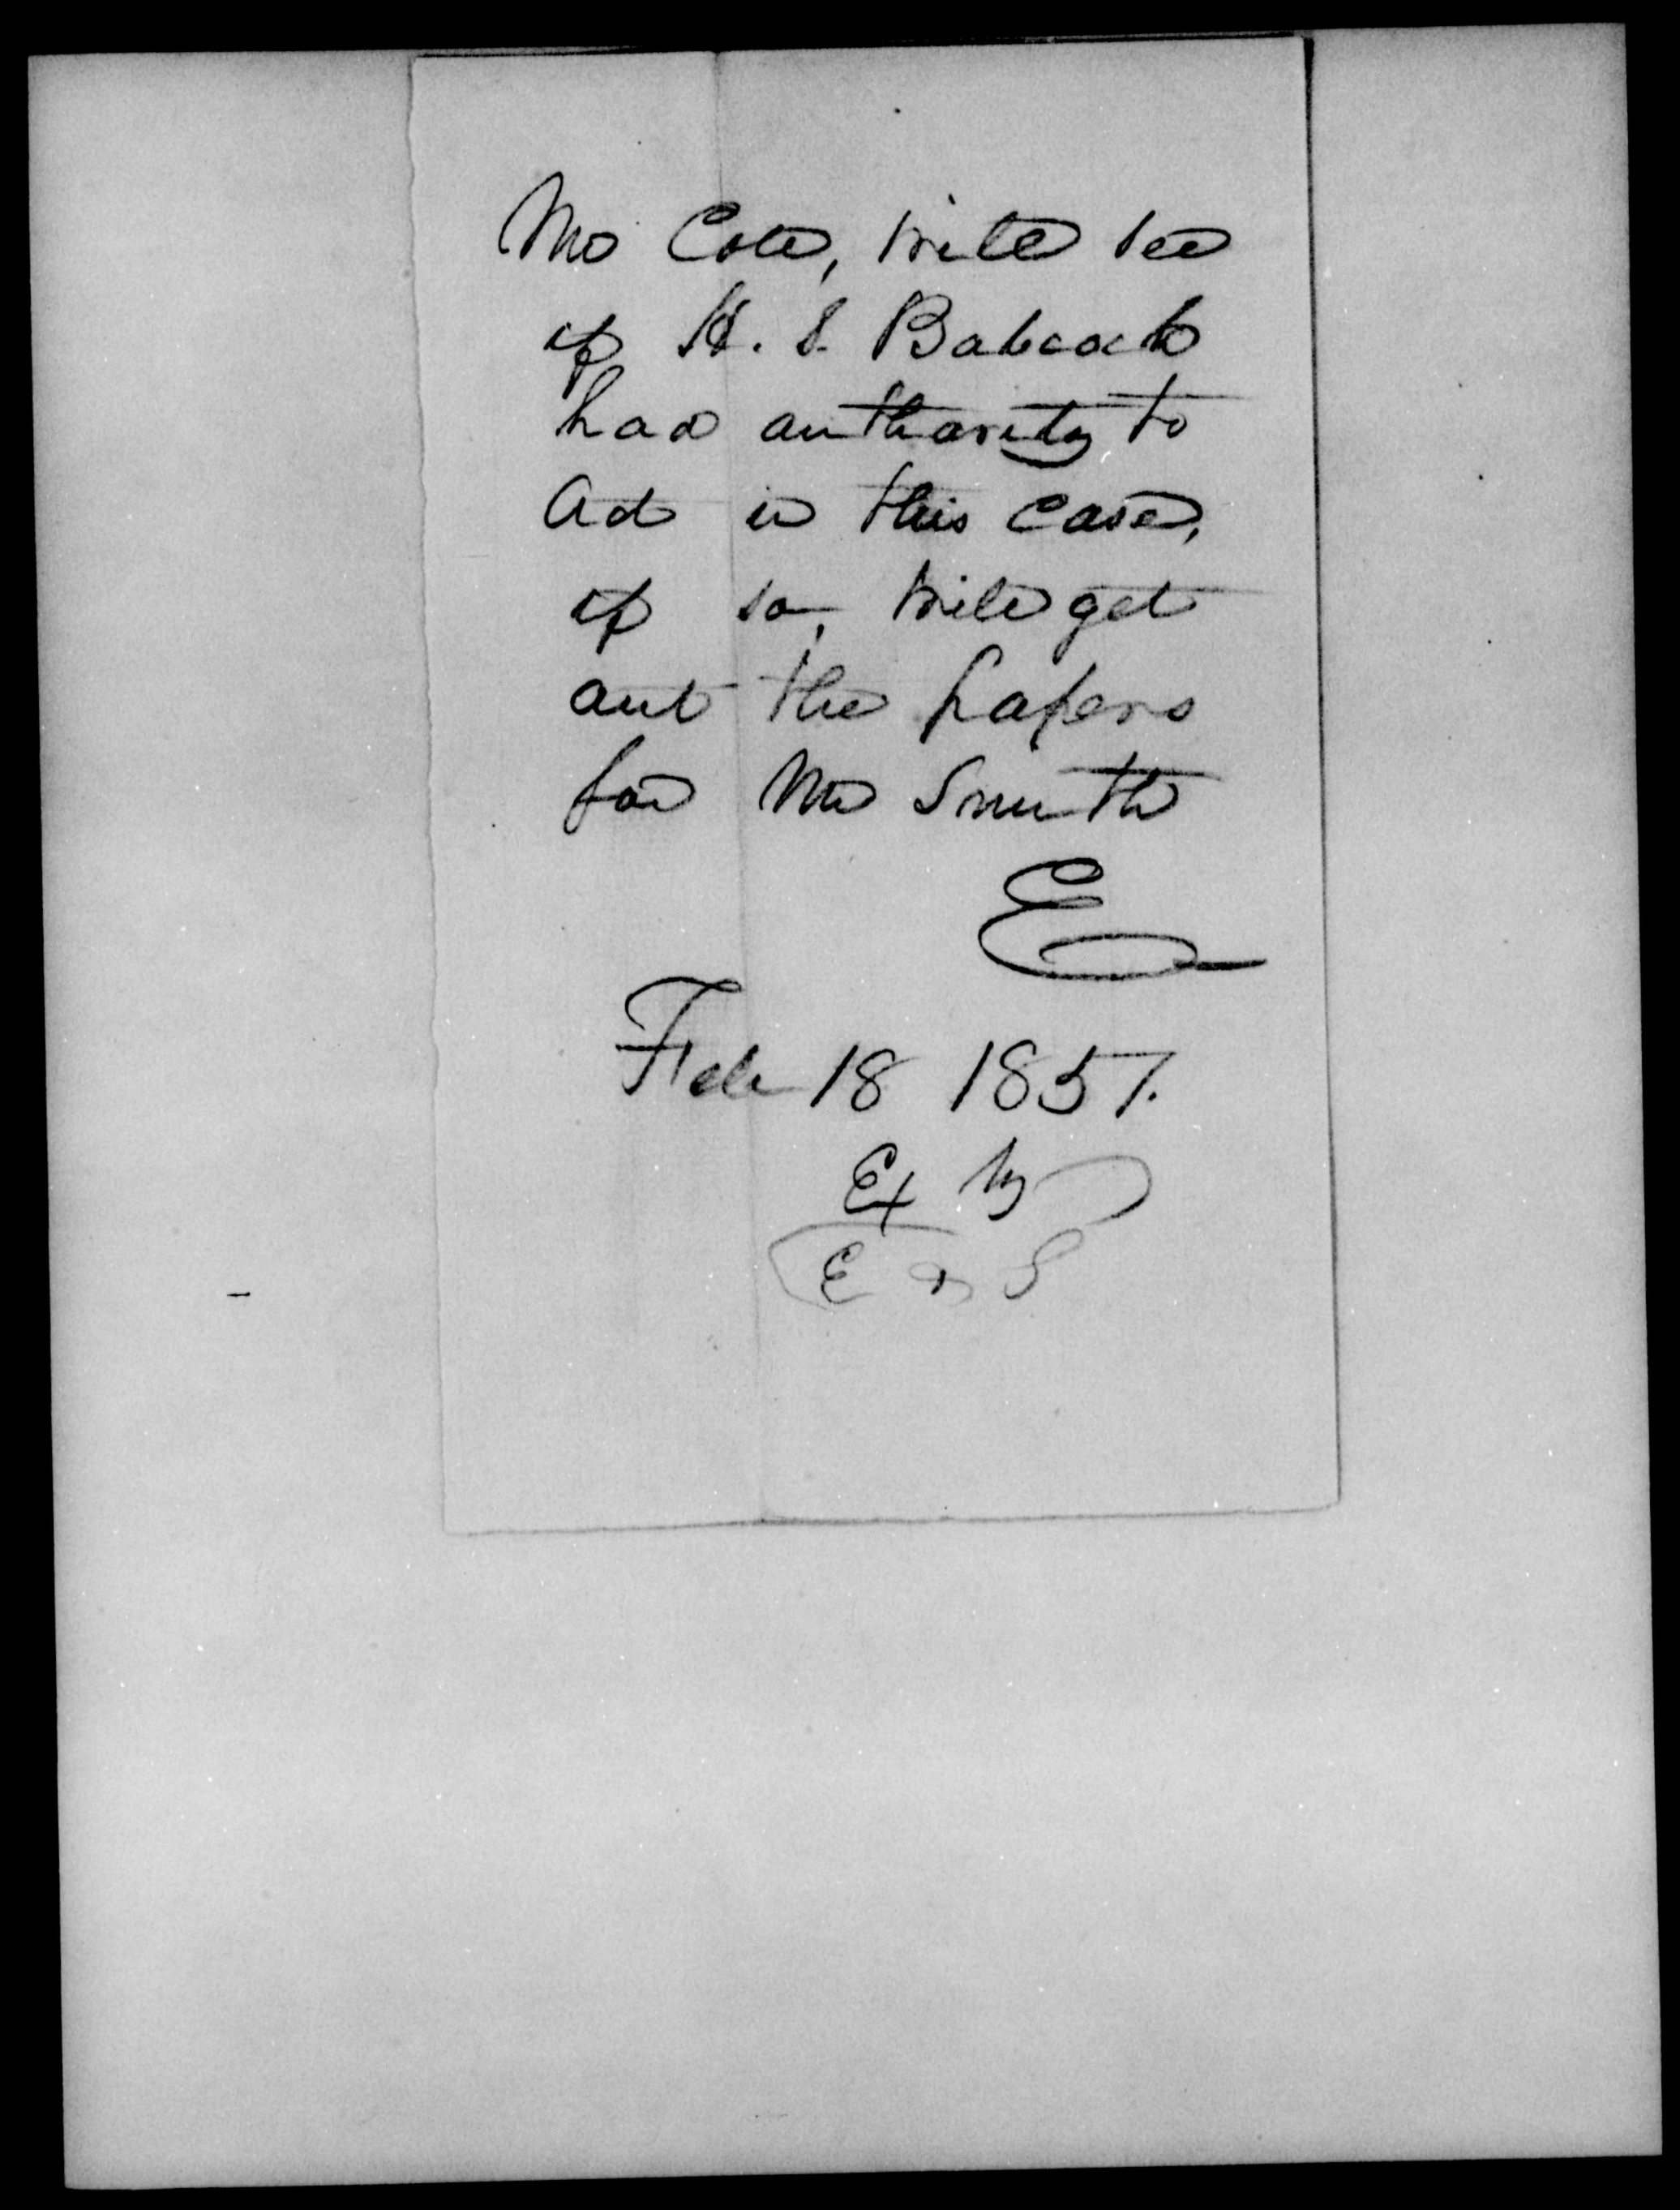Mo Cole, will dec if H. S. Babcock had authority to Act in this case, if so, will get out the papers for Mr Smith
E
Feb 18 1857.
Ex  Z[?]
E & 8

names: H S Babcock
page: 16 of 35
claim: rejected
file: R. 9601, for John Simson, New Jersey